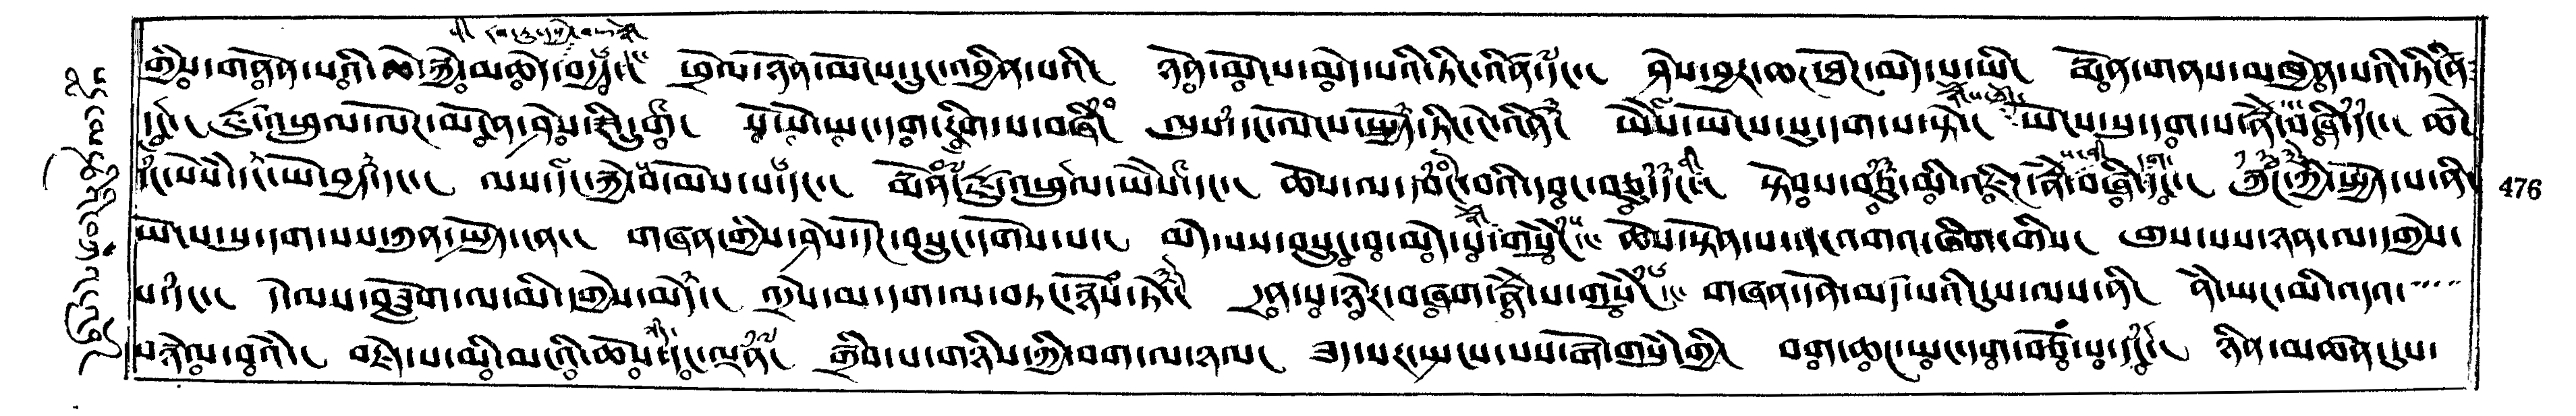གྱིས་གནོན་པའི་སྐྱེ་མཆེད་ནི་རབ་ཏུ་དབྱེ་བས་རྣམ་པ་བརྒྱད། །ཕ་རོལ་ཉོན་མོངས་དྲུང་འབྱིན་པའི། །ཉོན་མོངས་མེད་པའི་ཏིང་འཛིན་
དང་། །ཤེས་བྱར་ཆགས་ཐོགས་མེད་པ་ཡི། །སྨོན་གནས་མཁྱེན་པའི་ཏིང་འཛིན་དང་། །རྫུ་འཕྲུལ་ལ་སོགས་མངོན་ཤེས་དྲུག །སོ་སོ་ཡང་དག་རིག་པ་བཞི། །ལུས་དང་ལོངས་སྤྱོད་ཏིང་ངེ་འཛིན། །ཡེ་ཤེས་ཡོངས་སུ་དག་པ་སྟེ།། རྣམ་པ་ཐམས་ཅད་ཡོངས་སུ་དག་པ་རྣམ་པ་བཞི་དང་། །ཚེ་
དང་སེམས་དང་ཡོ་བྱད་དང་། །ལས་དང་སྐྱེ་བ་མོས་པ་དང་། །སྨོན་ལམ་རྫུ་འཕྲུལ་ཡེ་ཤེས་དང་། །ཆོས་ལ་དབང་བའི་དབང་བཅུ་དང་། །སྟོབས་བཅུ་མི་འཇིགས་རྣམ་པ་ནི་བཞི་དག་དང་། །སྐུ་གསུང་ཐུགས་ཀྱི་སྤྱོད་པ་ནི། །
ཡོངས་སུ་དག་པས་ཀུན་སྤྱོད་ངན། །གཞན་གྱིས་ཤེས་དོགས་བསྲུང་དགོས་པ། །མེད་པས་བསྲུང་བ་མེད་པ་རྣམ་གསུམ།། དང་། ཆོས་སྟོན་པ་དང་འགའ་ཞིག་གིས། །གུས་པས་ཉན་ལ་དགྱེས་
པ་དང་། །དེ་ལས་ལྡོག་ལ་མི་དགྱེས་མེད། །འདྲེས་མ་དག་ལ་བཏང་སྙོམས་ཏེ། །དྲན་པ་ཉེར་བཞག་རྣམ་པ་གསུམ། །གཞན་དོན་མཛད་པའི་དུས་ལས་ནི། །ནམ་ཡང་མི་འདའ་
བསྙེལ་བའམ། །བརྗེད་པ་མི་མངའི་ཆོས་ཉིད་དང་ལྡན། །སྒྲིབ་པ་གཉིས་ཀྱི་བག་ལ་ཉལ། །ཟད་པར་སྤངས་པས་སྒོ་གསུམ་གྱི། །བག་ཆགས་ཡང་དག་བཅོམ་པ་དང་། །ཉིན་མཚན་དུས་